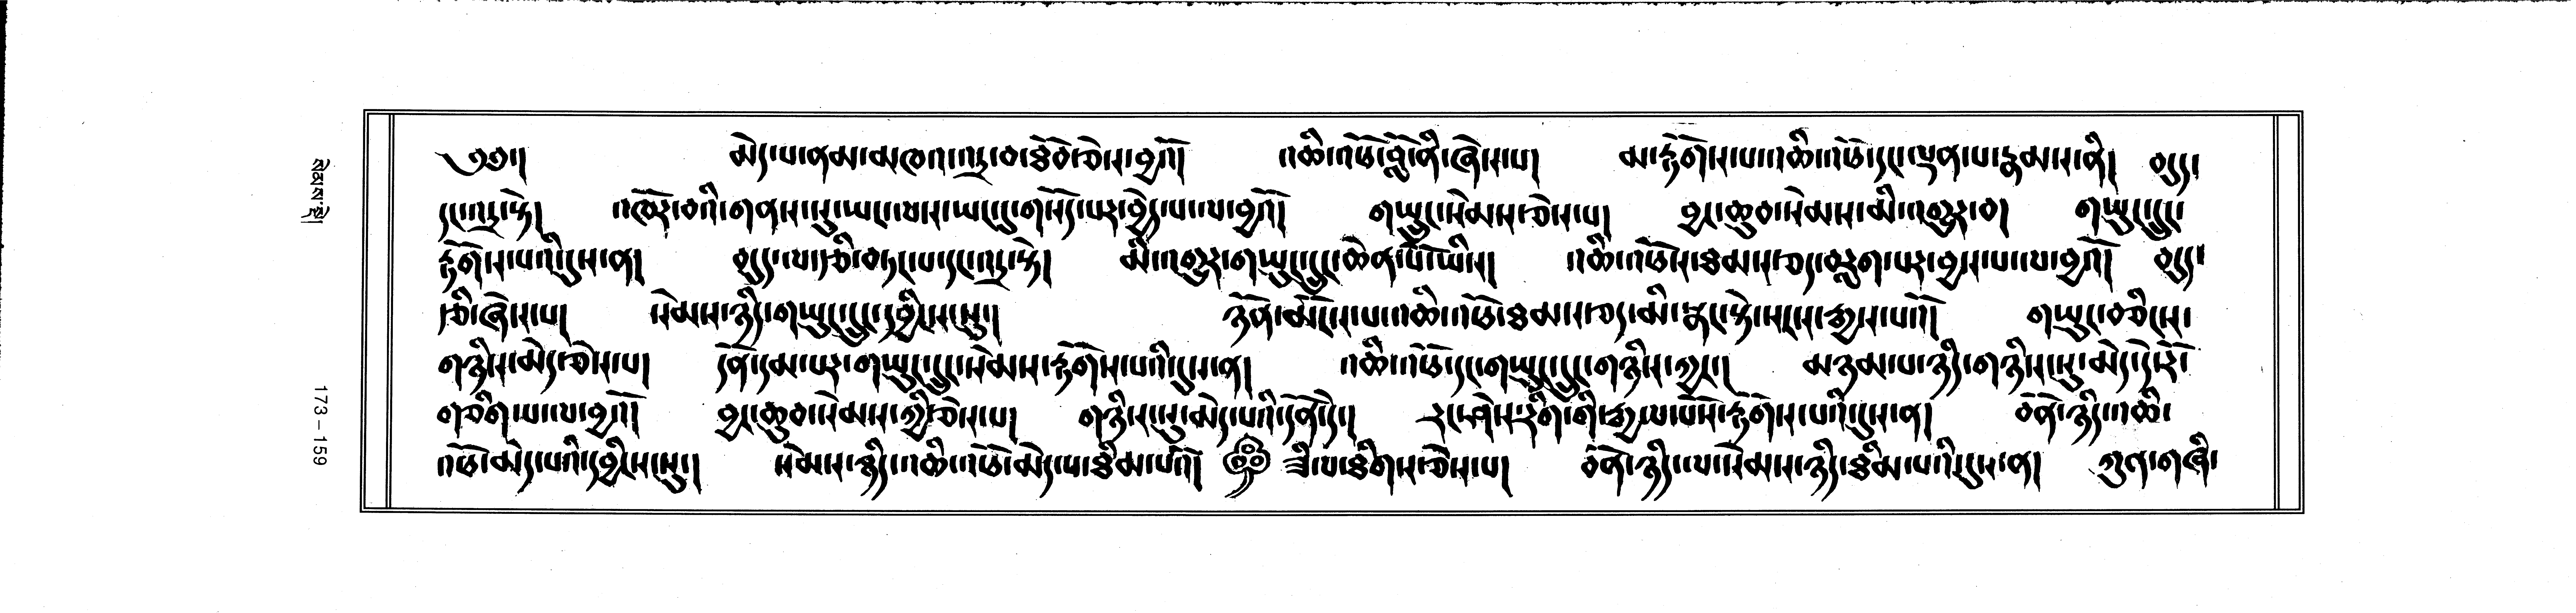མེད་པ་ནམ་མཁའ་འདྲ་བ་ཐོབ་ཅེས་བྱའོ། །འཆི་འཕོ་བློ་ནི་ཞེས་པ། མ་རྟོགས་པ་འཆི་འཕོ་དང་ལྡན་པ་རྣམས་ནི། བདུད་
དང་འདྲ་སྟེ། འཁོར་བའི་གནས་སུ་ཡང་ནས་ཡང་དུ་གསོད་པར་བྱེད་པ་ལ་བྱའོ། །གཡུང་དྲུང་སེམས་ཞེས་པ་བྱང་ཆུབ་སེམས་མི་འགྱུར་བ་གཡུང་དྲུང་
རྟོགས་པའི་དུས་ན། བདུད་ལ་རྩི་བཏང་བ་དང་འདྲ་སྟེ། མི་འགྱུར་གཡུང་དྲུང་ཆེན་པོ་ཡིས། འཆི་འཕོས་ཐམས་ཅད་བརླག་པར་བྱས་པ་ལ་བྱའོ། །བདུད་
རྩི་ཞེས་པ་སེམས་ཉིད་གཡུང་དྲུང་གི་དབྱིངས་སུ། ཉོན་མོངས་པ་འཆི་འཕོ་ཐམས་ཅད་མི་སྣང་སྟེ་སངས་རྒྱས་པའོ། །གཡུང་བཅིངས་
གཉིས་མེད་ཅེས་པ། དོན་དམ་པར་གཡུང་དྲུང་སེམས་རྟོགས་པའི་དུས་ན། འཆི་འཕོ་དང་གཡུང་དྲུང་གཉིས་ཀྱང་། མཉམ་པ་ཉིད་གཉིས་སུ་མེད་དེ་རོ་
གཅིག་པ་ལ་བྱའོ། །བྱང་ཆུབ་སེམས་ཀྱི་ཅེས་པ། གཉིས་སུ་མེད་པའི་དོན་དེ། རང་ཤེས་རིག་གི་རྒྱལ་པོས་རྟོགས་པའི་དུས་ན། བོན་ཉིད་འཆི་
འཕོ་མེད་པའི་དབྱིངས་སུ། སེམས་ཉིད་འཆི་འཕོ་མེད་པ་ཐིམ་པའོ། །ཟིལ་ཐིགས་ཅེས་པ། བོན་ཉིད་ལ་སེམས་ཉིད་ཐིམ་པའི་དུས་ན། ཀུན་གཞི་